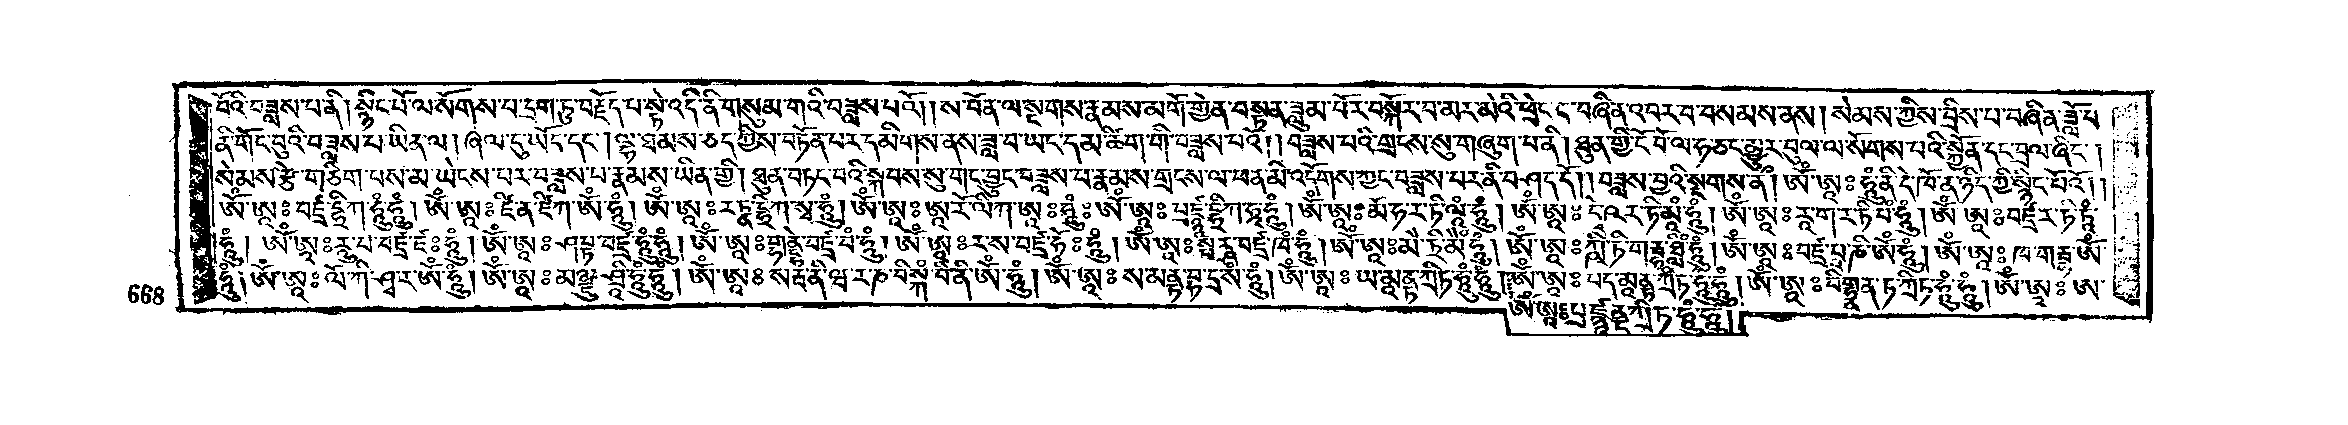བོའི་བཟླས་པ་ནི། སྙིང་པོ་ལ་སོགས་པ་དྲག་ཏུ་བརྗོད་པ་སྟེ་འདི་ནི་གསུམ་གའི་བཟླས་པའོ། །ས་བོན་ལ་སྔགས་རྣམས་མགོ་གྱེན་བསྟན་ཟླུམ་པོར་བསྐོར་བ་མར་མེའི་ཕྲེང་བ་བཞིན་འབར་བ་བསམས་ནས། སེམས་ཀྱིས་བྲིས་པ་བཞིན་ཟློ་བ་
ནི་གོང་བུའི་བཟླས་པ་ཡིན་ལ། ཞལ་དུ་ཡོད་དང་། ལྷ་ཐམས་ཅད་ཀྱིས་བཏོན་པར་དམིགས་ནས་ཟླ་བ་ཡང་དམ་ཚིག་གི་བཟླས་པའོ། །བཟླས་པའི་གྲངས་སུ་གཞུག་པ་ནི། ཐུན་གྱི་ངོ་བོ་ལ་ཧ་ཅང་མྱུར་བུལ་ལ་སོགས་པའི་སྐྱོན་དང་བྲལ་ཞིང་།
སེམས་རྩེ་གཅིག་པས་མ་ཡེངས་པར་བཟླས་པ་རྣམས་ཡིན་གྱི། ཐུན་བཏང་བའི་སྐབས་སུ་གང་བྱུང་བཟླས་པ་རྣམས་གྲངས་ལ་ཕན་མི་འདོགས་ཀྱང་བཟླས་པར་ནི་བཤད་དོ། །བཟླས་བྱའི་སྔགས་ནི། ཨོཾ་ཨཱཿ ཧཱུཾ་ནི་དེ་ཁོ་ན་ཉིད་ཀྱི་སྙིང་པོའོ། །
ཨོཾ་ཨཱཿ བཛྲ་དྷྲི་ཀ་ཧཱུཾ་ཧཱུཾ། ཨོཾ་ཨཱཿ ཛི་ན་ཛི་ཀ་ཨོཾ་ཧཱུཾ། ཨོཾ་ཨཱཿ རཏྣ་དྷྲིཀ་སྭ་ཧཱུཾ། ཨོཾ་ཨཱཿ ཨཱ་རོ་ལིཀ་ཨཱཿ ཧཱུཾ་ཨོཾ་ཨཱཿ པྲཛྙ་དྷྲིཀ་ཧཱ་ཧཱུཾ། ཨོཾ་ཨཱཿ མོ་ཧ་ར་ཏི་ལཱཾ་ཧཱུཾ། ཨོཾ་ཨཱཿ དྭེ་ཥྲ་ཏི་མཱཾ་ཧཱུཾ། ཨོཾ་ཨཱཿ རཱ་ག་ར་ཏི་པཾ་ཧཱུཾ། ཨོཾ་ཨཱཿ བཛྲ་ར་ཏི་ཏཱཾ་
ཧཱུཾ། ཨོཾ་ཨཱཿ རཱུ་པ་བཛྲ་ཛཿ ཧཱུཾ། ཨོཾ་ཨཱཿ ཤྤྟ་བཛྲ་ཧཱུཾ་ཧཱུཾ། ཨོཾ་ཨཱཿ གྷནེདྷ་བཛྲ་བཾ་ཧཱུཾ། ཨོཾ་ཨཱཿ ར་ས་བཛྲ་ཧོཿ ཧཱུཾ། ཨོཾ་ཨཱཿ སྤྲྴ་བཛྲ་ཁཾ་ཧཱུཾ། ཨོཾ་ཨཱཿ མཻ་ཏྲི་མཻཾ་ཧཱུཾ། ཨོཾ་ཨཱཿ ཀིཥ་ཏི་གརྦྷ་ཐིལཾ་ཧཱུཾ། ཨོཾ་ཨཱཿ བཛྲ་པཱ་ཎི་ཨོཾ་ཧཱུཾ། ཨོཾ་ཨཱཿ ཁ་གརྦྷ་ཨོཾ་
ཧཱུཾ། ཨོཾ་ཨཱཿ ལོ་ཀི་ཤྭ་ར་ཨོཾ་ཧཱུཾ། ཨོཾ་ཨཱཿ མཉྫུ་ཤྲཱི་ཧཱུཾ་ཧཱུཾ། ཨོཾ་ཨཱཿ སརྦ་ནི་ཝ་ར་ཎ་བི་སྐཾ་བི་ནི་ཨོཾ་ཧཱུཾ། ཨོཾ་ཨཱཿ ས་མནྟ་བྷ་དྲ་སཾ་ཧཱུཾ། ཨོཾ་ཨཱཿ ཡ་མའྣྟ་ཀྲིཏ་ཧཱུཾ་ཧཱུཾ། ཨོཾ་ཨཱཿ པྲཛྙ་ནྟ་ཀྲི་ཏ་ཧཱུཾ་ཧཱུཾ། ཨོཾ་ཨཱཿ པད་མའྟྣ་ཀྲི་ཏ་ཧཱུཾ་ཧཱུཾ། ཨོཾ་ཨཱཿ བིགྷྣན་ཏ་ཀྲི་ཏ་ཧཱུཾ་ཧཱུཾ། ཨོཾ་ཨཱཿ ཨ་